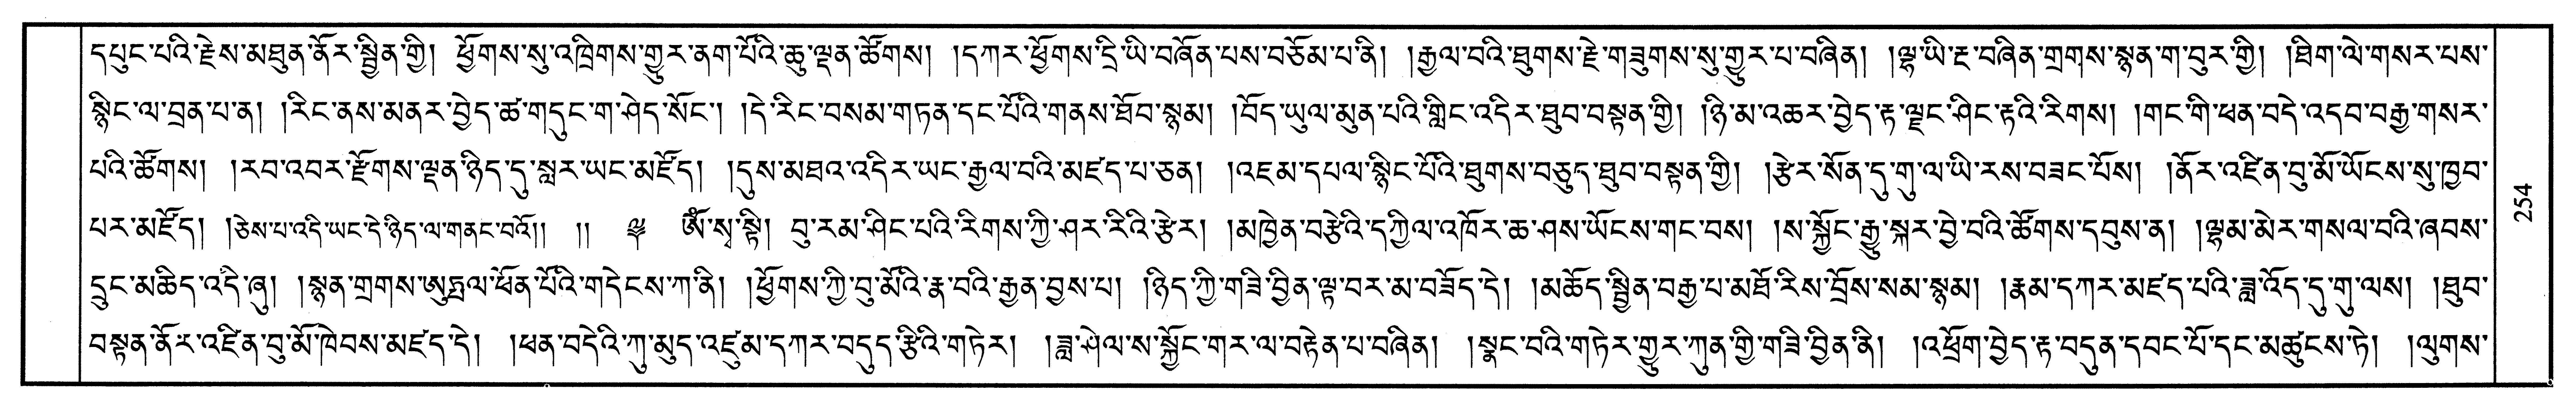དཔུང་པའི་རྗེས་མཐུན་ནོར་སྦྱིན་གྱི། ཕྱོགས་སུ་འཁྲིགས་གྱུར་ནག་པོའི་ཆུ་ལྡན་ཚོགས། །དཀར་ཕྱོགས་དྲི་ཡི་བཞོན་པས་བཅོམ་པ་ནི། །རྒྱལ་བའི་ཐུགས་རྗེ་གཟུགས་སུ་གྱུར་པ་བཞིན། །ལྷ་ཡི་རྔ་བཞིན་གྲགས་སྙན་ག་བུར་གྱི། །ཐིག་ལེ་གསར་པས་
སྙིང་ལ་བྲན་པ་ན། །རིང་ནས་མནར་བྱེད་ཚ་གདུང་ག་ཤེད་སོང་། །དེ་རིང་བསམ་གཏན་དང་པོའི་གནས་ཐོབ་སྙམ། །བོད་ཡུལ་མུན་པའི་གླིང་འདིར་ཐུབ་བསྟན་གྱི། །ཉི་མ་འཆར་བྱེད་རྟ་ལྗང་ཤིང་རྟའི་རིགས། །གང་གི་ཕན་བདེ་འདབ་བརྒྱ་གསར་
པའི་ཚོགས། །རབ་འབར་རྫོགས་ལྡན་ཉིད་དུ་སླར་ཡང་མཛོད། །དུས་མཐའ་འདིར་ཡང་རྒྱལ་བའི་མཛད་པ་ཅན། །འཇམ་དཔལ་སྙིང་པོའི་ཐུགས་བཅུད་ཐུབ་བསྟན་གྱི། །རྩེར་སོན་དུ་གུ་ལ་ཡི་རས་བཟང་པོས། །ནོར་འཛིན་བུ་མོ་ཡོངས་སུ་ཁྱབ་
པར་མཛོད། །ཅེས་པ་འདི་ཡང་དེ་ཉིད་ལ་གནང་བའོ།། །། ༈ ཨོཾ་སྭ་སྟི། བུ་རམ་ཤིང་བའི་རིགས་ཀྱི་ཤར་རིའི་རྩེར། །མཁྱེན་བརྩེའི་དཀྱིལ་འཁོར་ཆ་ཤས་ཡོངས་གང་བས། །ས་སྐྱོང་རྒྱུ་སྐར་བྱེ་བའི་ཚོགས་དབུས་ན། །ལྷམ་མེར་གསལ་བའི་ཞབས་
དྲུང་མཆིད་འདི་ཞུ། །སྙན་གྲགས་ཨུཏྤལ་ཕོན་པོའི་གདེངས་ཀ་ནི། །ཕྱོགས་ཀྱི་བུ་མོའི་རྣ་བའི་རྒྱན་བྱས་པ། །ཉིད་ཀྱི་གཟི་བྱིན་ལྟ་བར་མ་བཟོད་དེ། །མཆོད་སྦྱིན་བརྒྱ་པ་མཐོ་རིས་བྲོས་སམ་སྙམ། །རྣམ་དཀར་མཛད་པའི་ཟླ་འོད་དུ་གུ་ལས། །ཐུབ་
བསྟན་ནོར་འཛིན་བུ་མོ་ཁེབས་མཛད་དེ། །ཕན་བདེའི་ཀུ་མུད་འཛུམ་དཀར་བདུད་རྩིའི་གཏེར། །ཟླ་ཤེལ་ས་སྐྱོང་གར་ལ་བརྟེན་པ་བཞིན། །སྣང་བའི་གཏེར་གྱུར་ཀུན་གྱི་གཟི་བྱིན་ནི། །འཕྲོག་བྱེད་རྟ་བདུན་དབང་པོ་དང་མཚུངས་ཏེ། །ལུགས་